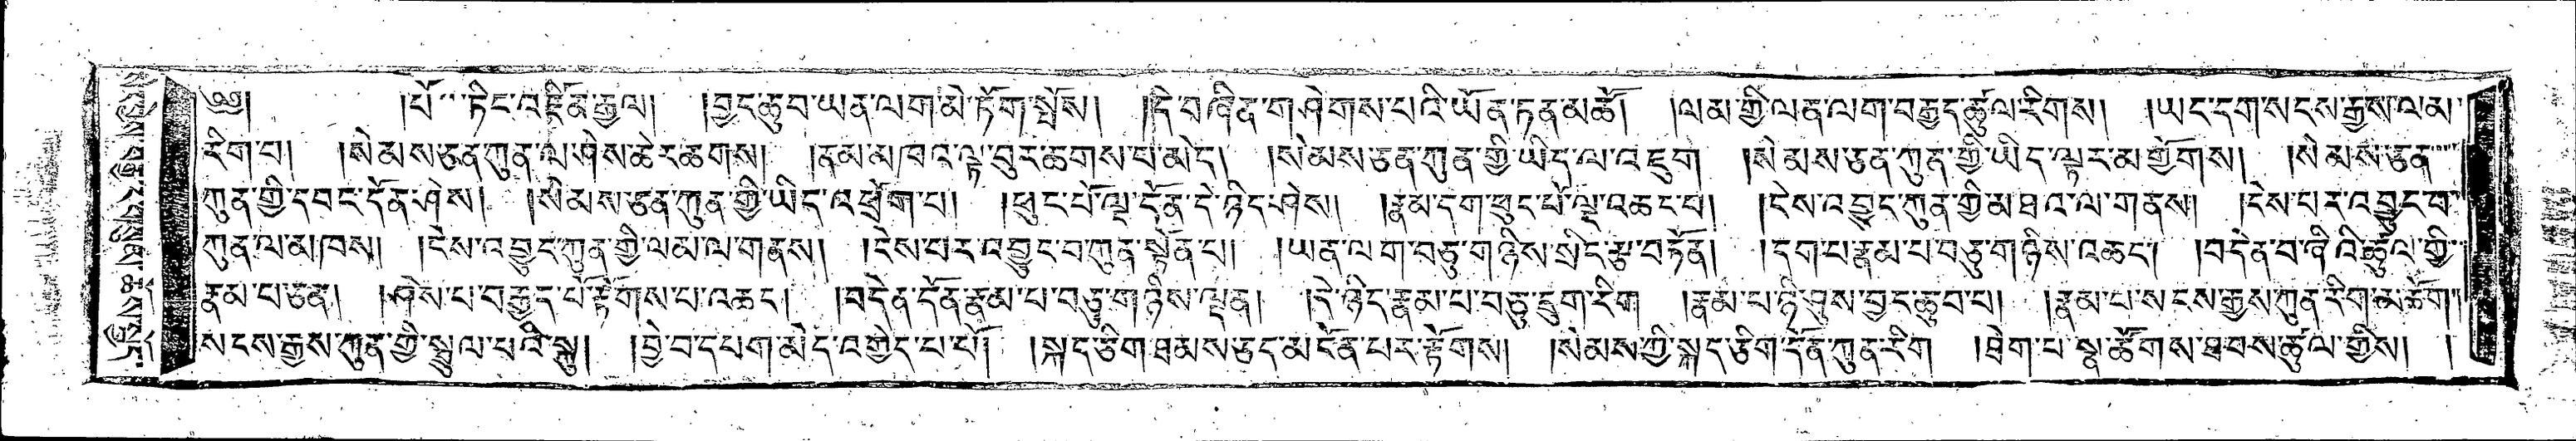༄༅། །པོ་ཏིང་འཛིན་རྒྱལ། །བྱང་ཆུབ་ཡན་ལག་མེ་ཏོག་སྤོས། །དེ་བཞིན་གཤེགས་པའི་ཡོན་ཏན་མཚོ། །ལམ་གྱི་ལན་ལག་བརྒྱད་ཚུལ་རིགས། །ཡང་དག་སངས་རྒྱས་ལམ་
རིག་པ། །སེམས་ཅན་ཀུན་ལ་ཤེས་ཆེར་ཆགས། །ནམ་མཁའ་ལྟ་བུར་ཆགས་པ་མེད། །སེམས་ཅན་ཀུན་གྱི་ཡིད་ལ་འཇུག །སེམས་ཅན་ཀུན་གྱི་ཡིད་ལྟར་མགྱོགས། །སེམས་ཅན་
ཀུན་གྱི་དབང་དོན་ཤེས། །སེམས་ཅན་ཀུན་གྱི་ཡིད་འཕྲོག་པ། །ཕུང་པོ་ལྔ་དོན་དེ་ཉིད་ཤེས། །རྣམ་དག་ཕུང་པོ་ལྔ་འཆང་བ། །ངེས་འབྱུང་ཀུན་གྱི་མཐའ་ལ་གནས། །ངེས་པར་འབྱུང་བ་
ཀུན་ལ་མཁས། །ངེས་འབྱུང་ཀུན་གྱི་ལམ་ལ་གནས། །ངེས་པར་འབྱུང་བ་ཀུན་སྟོན་པ། །ཡན་ལག་བཅུ་གཉིས་སྲིད་རྩ་བཏོན། །དག་པ་རྣམ་པ་བཅུ་གཉིས་འཆང་། །བདེན་པ་ཞིའི་ཚུལ་གྱི་
རྣམ་པ་ཅན། །ཤེས་པ་བརྒྱད་པོ་རྟོགས་པ་འཆང་། །བདེན་དོན་རྣམ་པ་བཅུ་གཉིས་ལྡན། །དེ་ཉིད་རྣམ་པ་བཅུ་དྲུག་རིག །རྣམ་པ་ཉི་ཤུས་བྱང་ཆུབ་པ། །རྣམ་པ་སངས་རྒྱས་ཀུན་རིག་མཆོག །
སངས་རྒྱས་ཀུན་གྱི་སྤྲུལ་པའི་སྐུ། །བྱེ་བ་དཔག་མེད་འགྱེད་པ་པོ། །སྐད་ཅིག་ཐམས་ཅད་མངོན་པར་རྟོགས། །སེམས་ཀྱི་སྐད་ཅིག་དོན་ཀུན་རིག །ཐེག་པ་སྣ་ཚོགས་ཐབས་ཚུལ་གྱིས། །